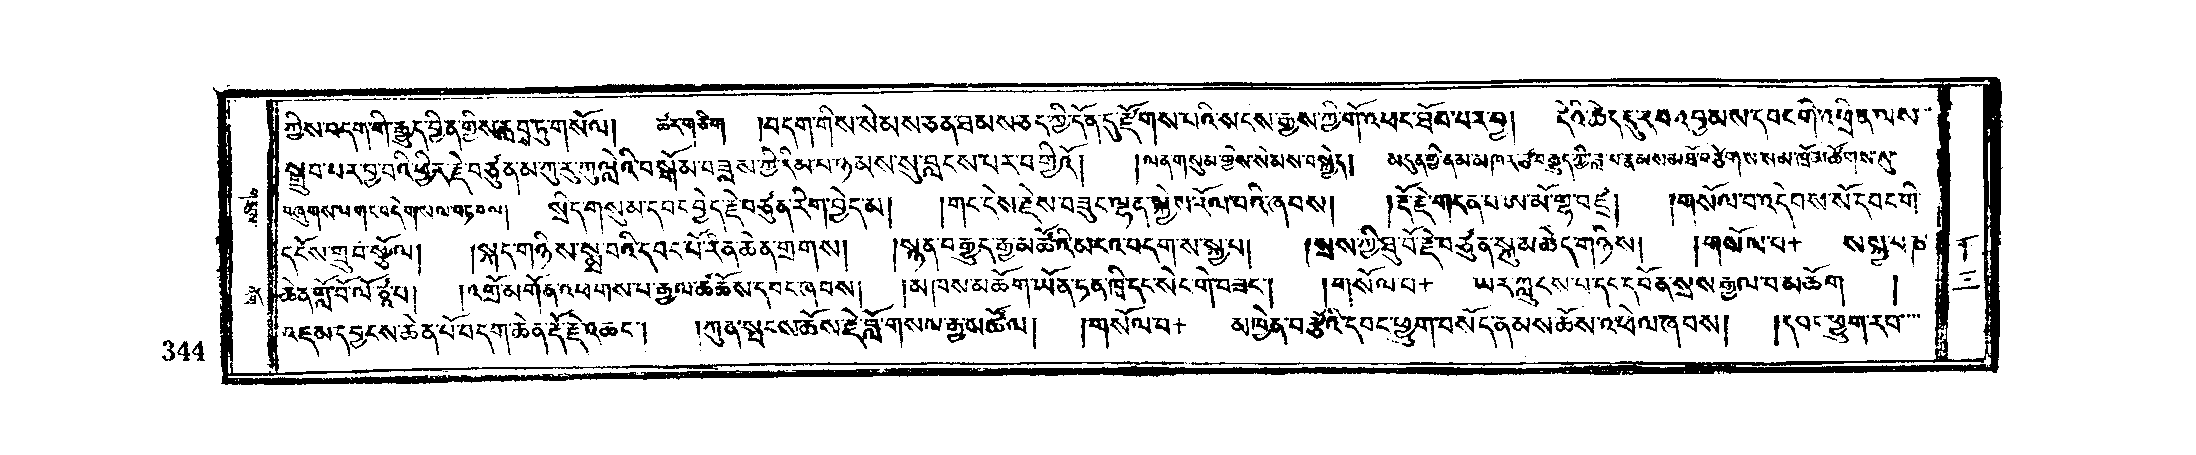ཀྱིས་བདག་གི་རྒྱུད་བྱིན་གྱིས་རླབས་ཏུ་གསོལ། ཚར་གཅིག །བདག་གིས་སེམས་ཅན་ཐམས་ཅད་ཀྱི་དོན་དུ་རྫོགས་པའི་སངས་རྒྱས་ཀྱི་གོ་འཕང་ཐོབ་པར་བྱ། དེའི་ཆེད་དུ་རབ་འབྱམས་དབང་གི་འཕྲིན་ལས་
སྒྲུབ་པར་བྱ་བའི་ཕྱིར་རྗེ་བཙུན་མ་ཀུ་རུ་ཀུ་ལླེའི་བསྒོམ་བཟླས་ཀྱི་རིམ་པ་ཉམས་སུ་བླངས་པར་བགྱིའོ། །ལན་གསུམ་གྱིས་སེམས་བསྐྱེད། མདུན་གྱི་ནམ་མཁར་རྩ་བརྒྱུད་ཀྱི་ཟླ་བ་རྣམས་མཐོ་བརྩེགས་སམ་ཁྲོམ་ཚོགས་སུ་
བཞུགས་པ་གང་བདེ་གསལ་བཏབ་ལ། སྲིད་གསུམ་དབང་བྱེད་རྗེ་བཙུན་རིག་བྱེད་མ། །གང་ངེས་རྗེས་བཟུང་ལྷན་སྐྱེས་རོལ་བའི་ཞབས། །རྡོ་རྗེ་གདན་པ་ཨ་མོ་གྷ་བཛྲ། །གསོལ་བ་འདེབས་སོ་དབང་གི་
དངོས་གྲུབ་སྩོལ། །སྐད་གཉིས་སྨྲ་བའི་དབང་པོ་རིན་ཆེན་གྲགས། །སྙན་བརྒྱུད་རྒྱ་མཚོའི་མངའ་བདག་ས་སྐྱ་པ། །སྲས་ཀྱི་ཐུ་བོ་རྗེ་བཙུན་སྐུ་མཆེད་གཉིས། །གསོལ་བ་+་ས་སྐྱ་པཎ་
ཆེན་གློ་བོ་ལོ་ཙཱ་བ། །འགྲོ་མགོན་འཕགས་པ་རྒྱལ་ཚ་ཆོས་དབང་ཞབས། །མཁས་མཆོག་ཡོན་ཏན་ཁྲི་དང་སེང་གེ་བཟང་། །གསོལ་བ་+་ཡར་ཀླུངས་པ་དང་དབོན་སྲས་རྒྱལ་བ་མཆོག །
འཇམ་དབྱངས་ཆེན་པོ་བདག་ཆེན་རྡོ་རྗེ་འཆང་། །ཀུན་སྤངས་ཆོས་རྗེ་བློ་གསལ་རྒྱ་མཚོ་ལ། །གསོལ་བ་+་མཁྱེན་བརྩེའི་དབང་ཕྱུག་བསོད་ནམས་ཆོས་འཕེལ་ཞབས། །དབང་ཕྱུག་རབ་